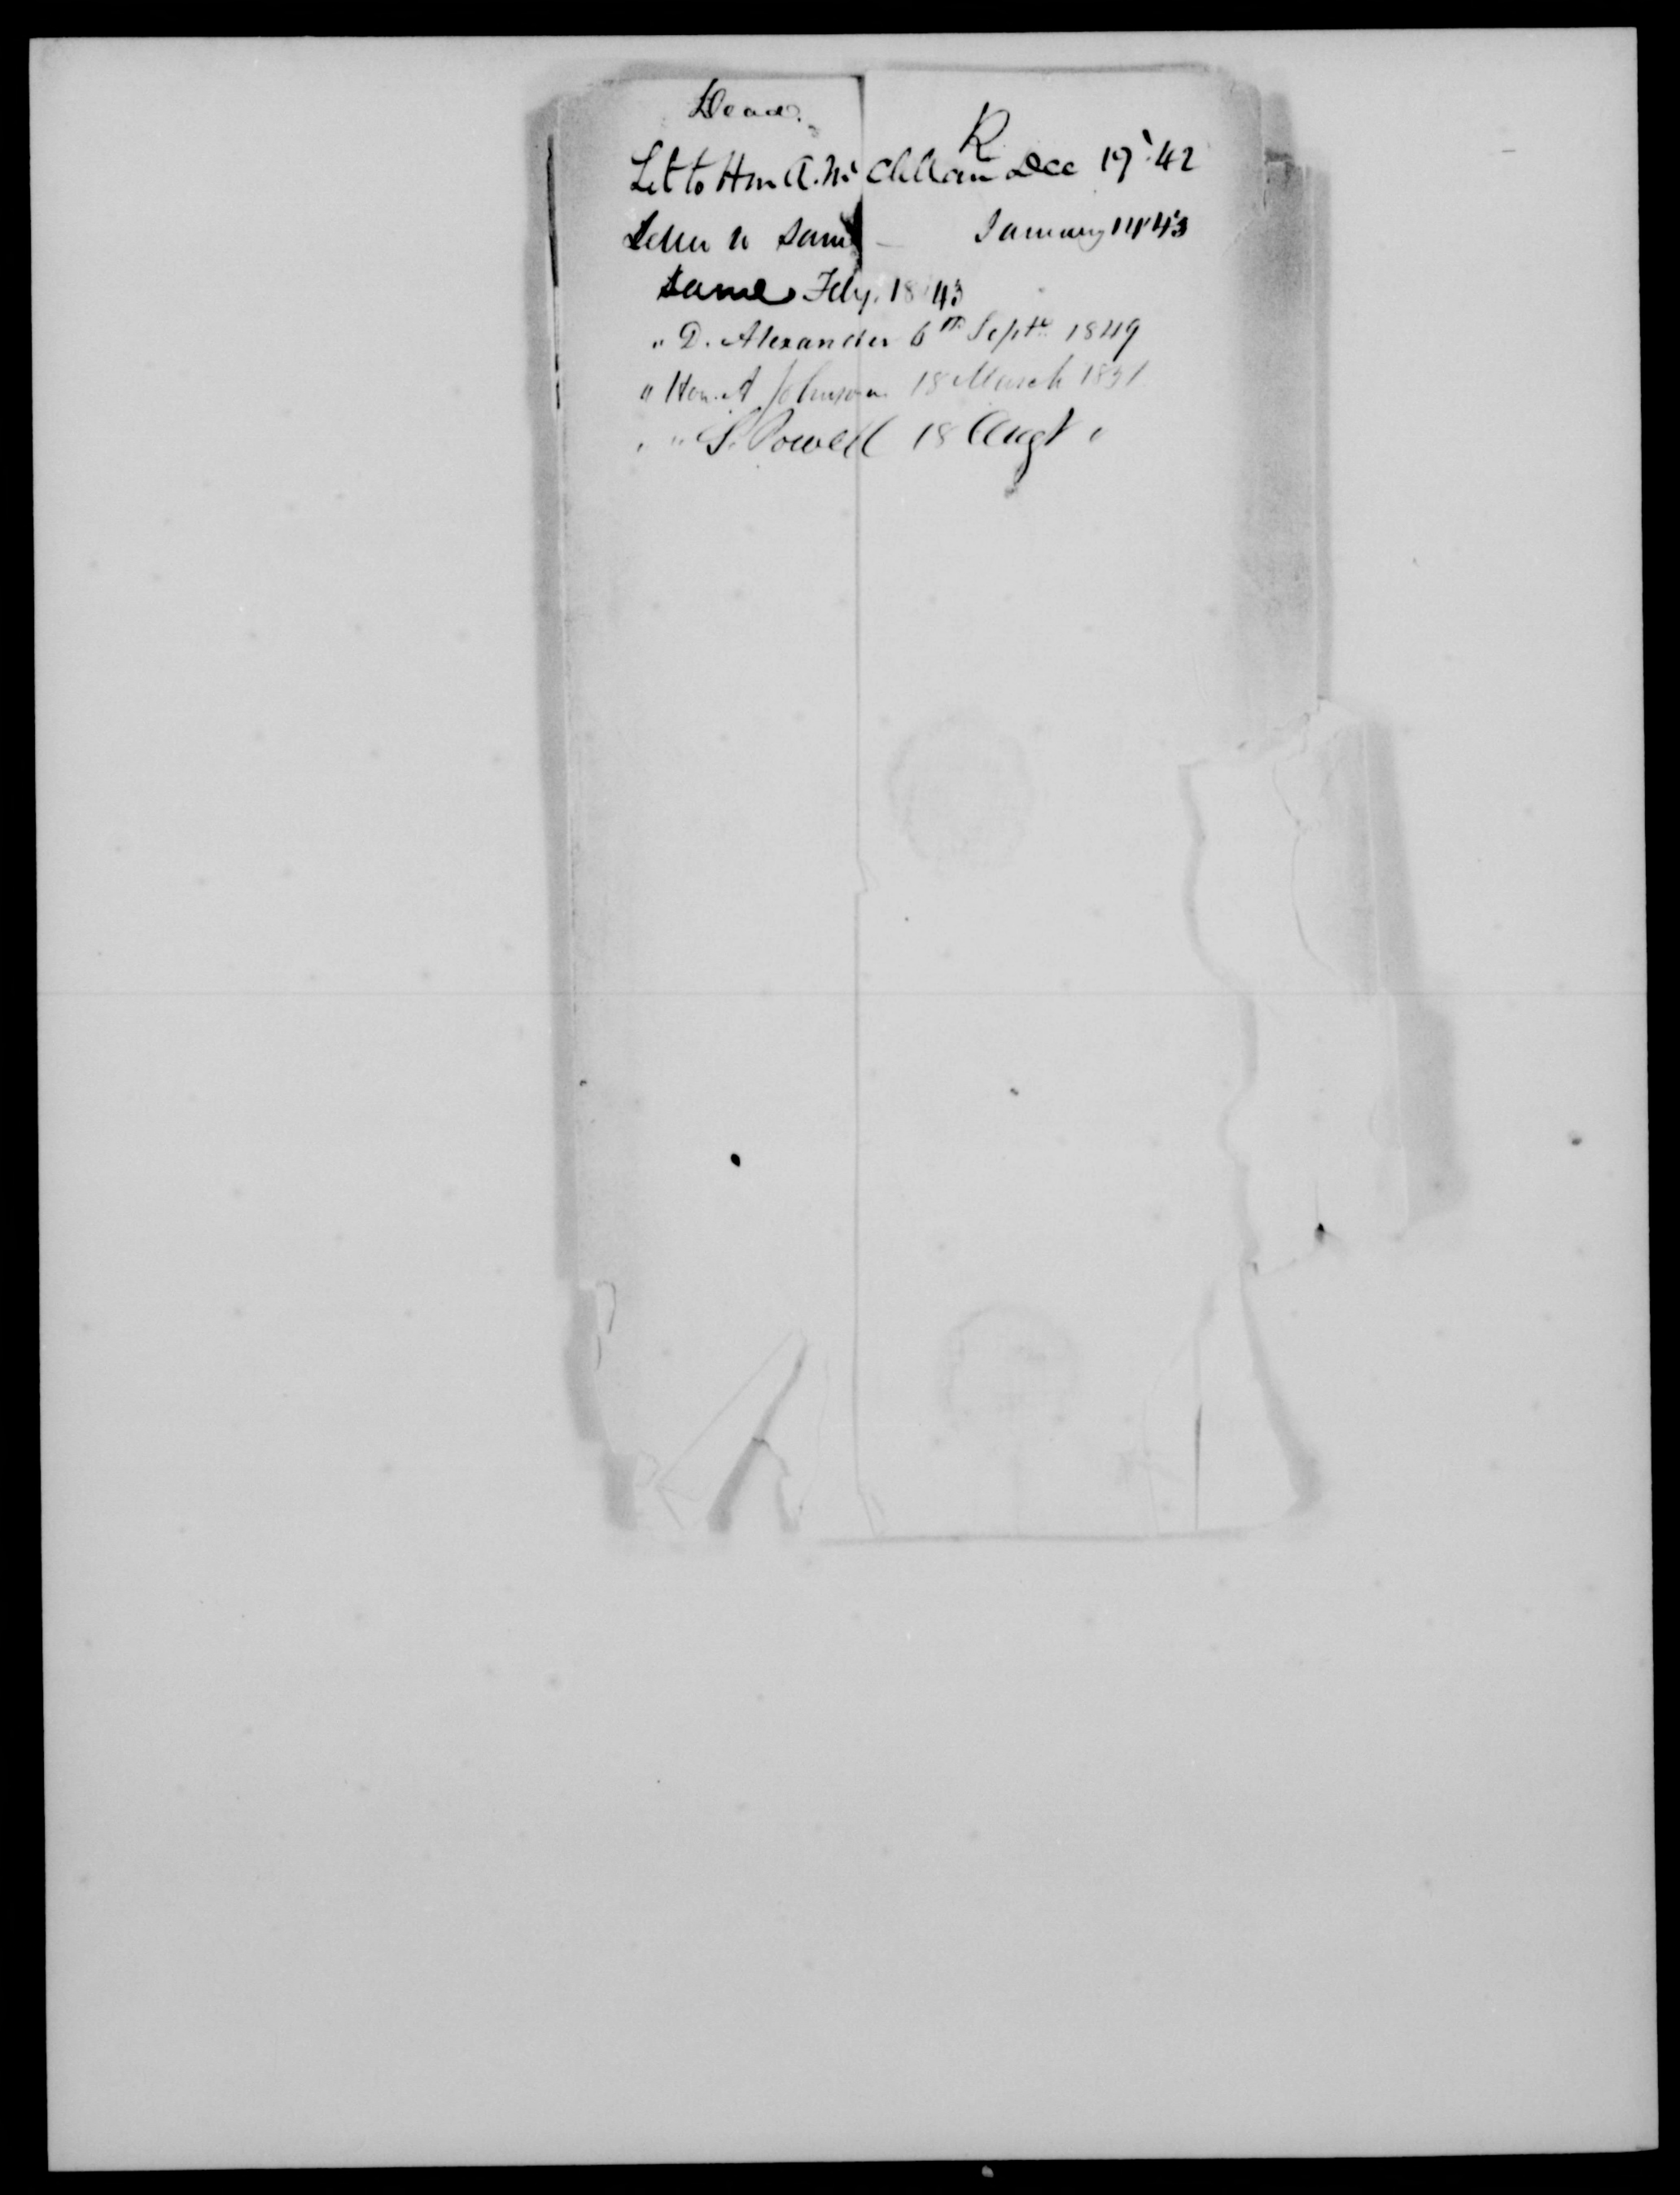Dead. R
Let to Hn A McClellan Dec 19 '42
Letter to same January 14 '43
Same Feby 18  '43
" D Alexander 6th Sept 18 49
" Hon A Johnson 18 March 1851
" S Powell 18 Augt "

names: A Johnson; S Powell; A Mc Clellan; D Alexander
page: 5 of 79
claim: widow's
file: W. 1504, for Robert Smith, North Carolina